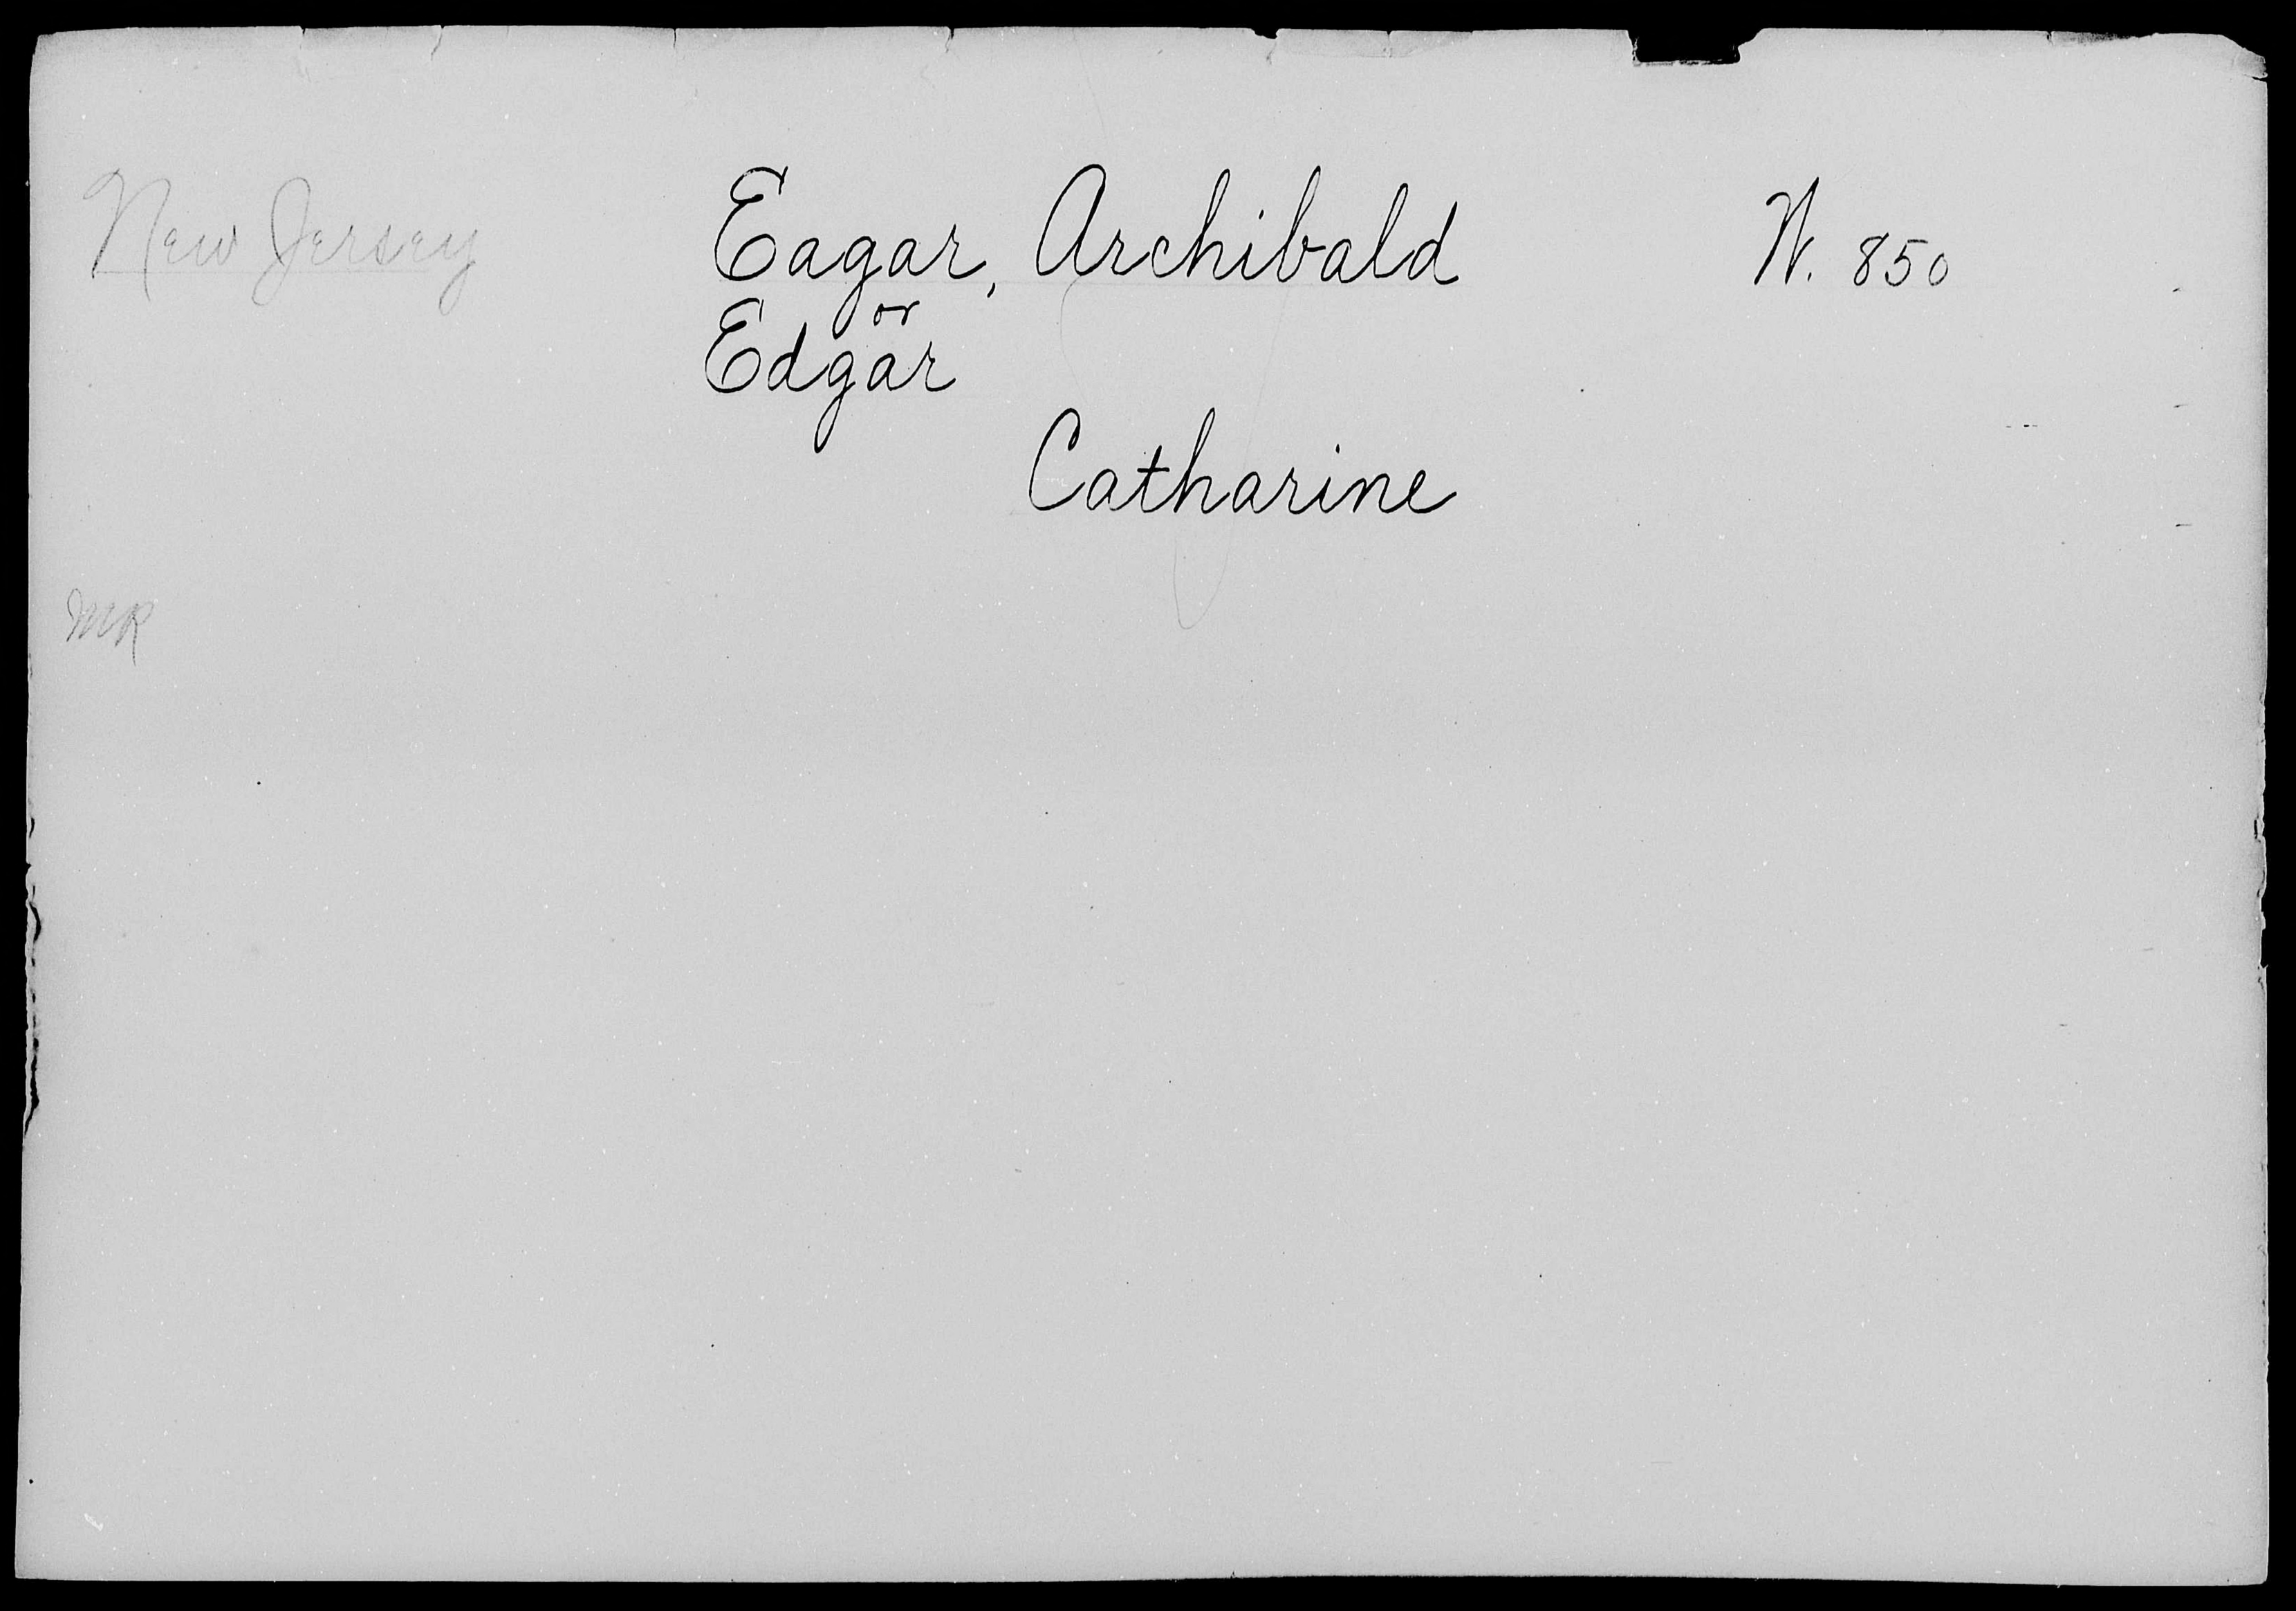New Jersey   Eager, Archibald       W.850
                           or
                        Edgar
                                       Catharine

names: Archibald Edgar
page: 1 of 2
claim: widow's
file: W. 850, Archibald Eagar, New Jersey